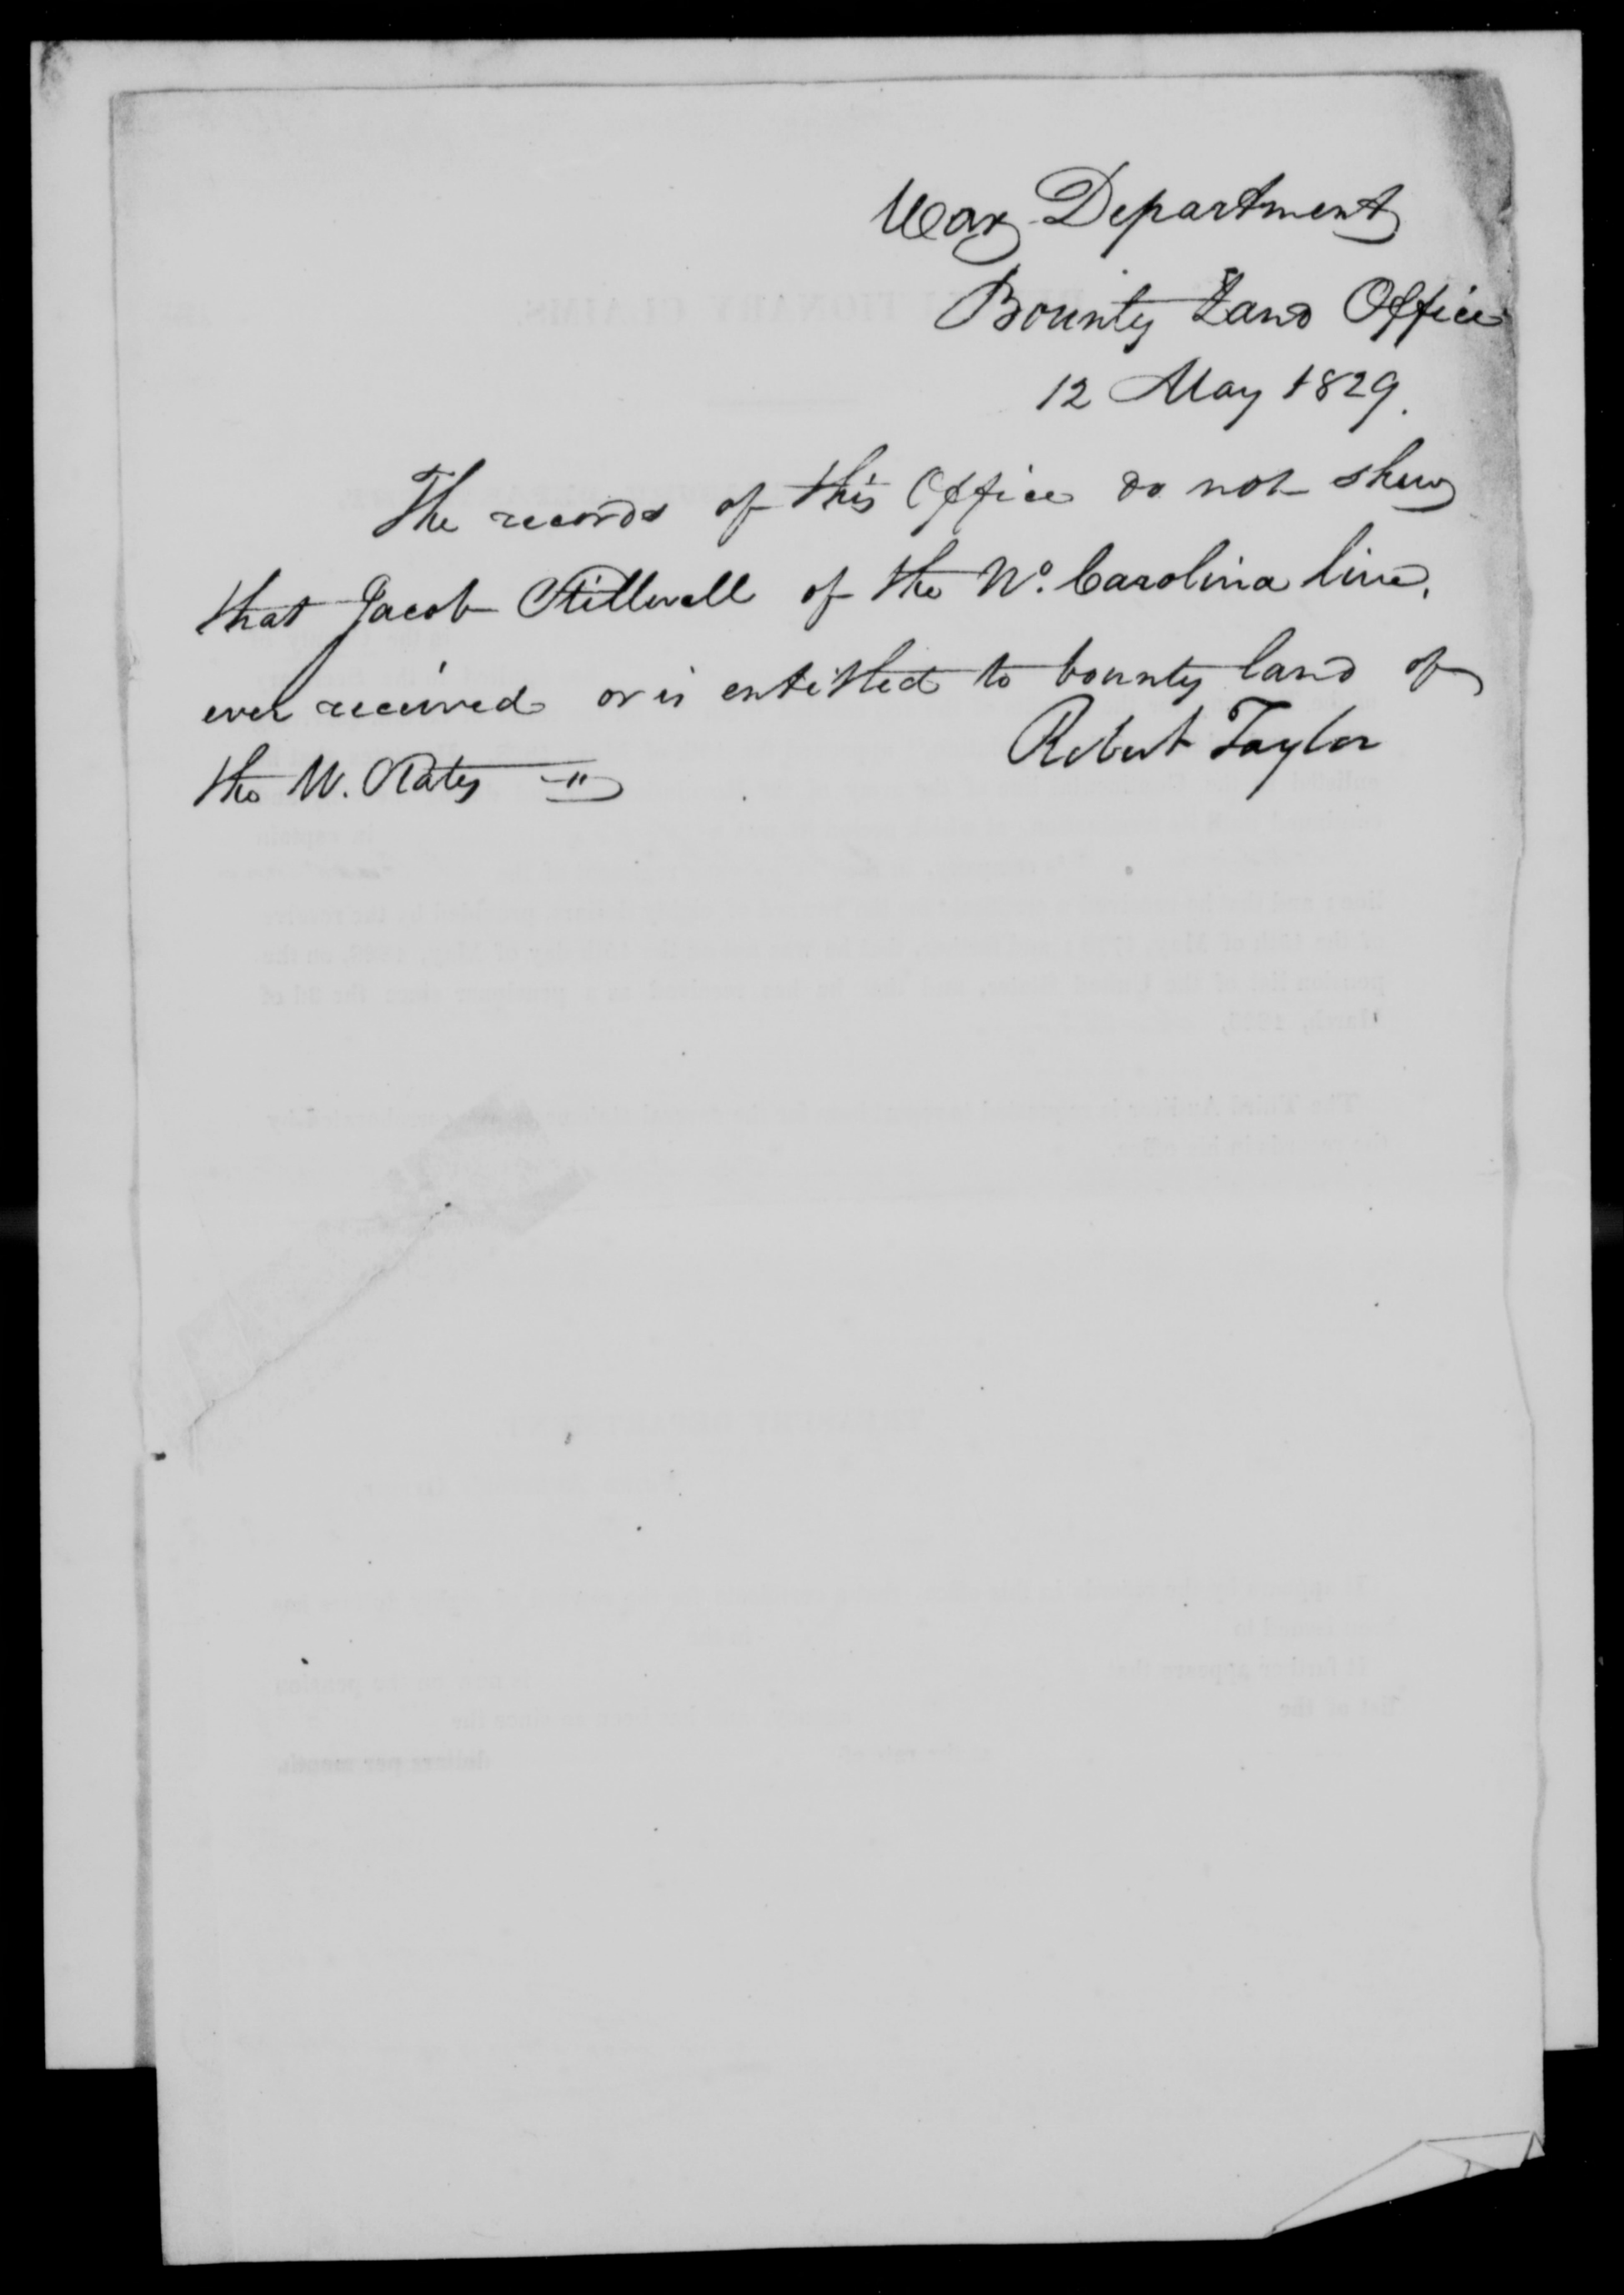War Department Bounty Land Office 12 May 1829
The record of this office do not show that Jacob Stillwell of the No. Carolina line ever received or is entitled to bounty land of the W. Olaty 
Robert Taylor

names: Robert Taylor; Jacob Stillwell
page: 5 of 25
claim: survivor's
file: S. 31,993, for Jacob Stillwell, North Carolina